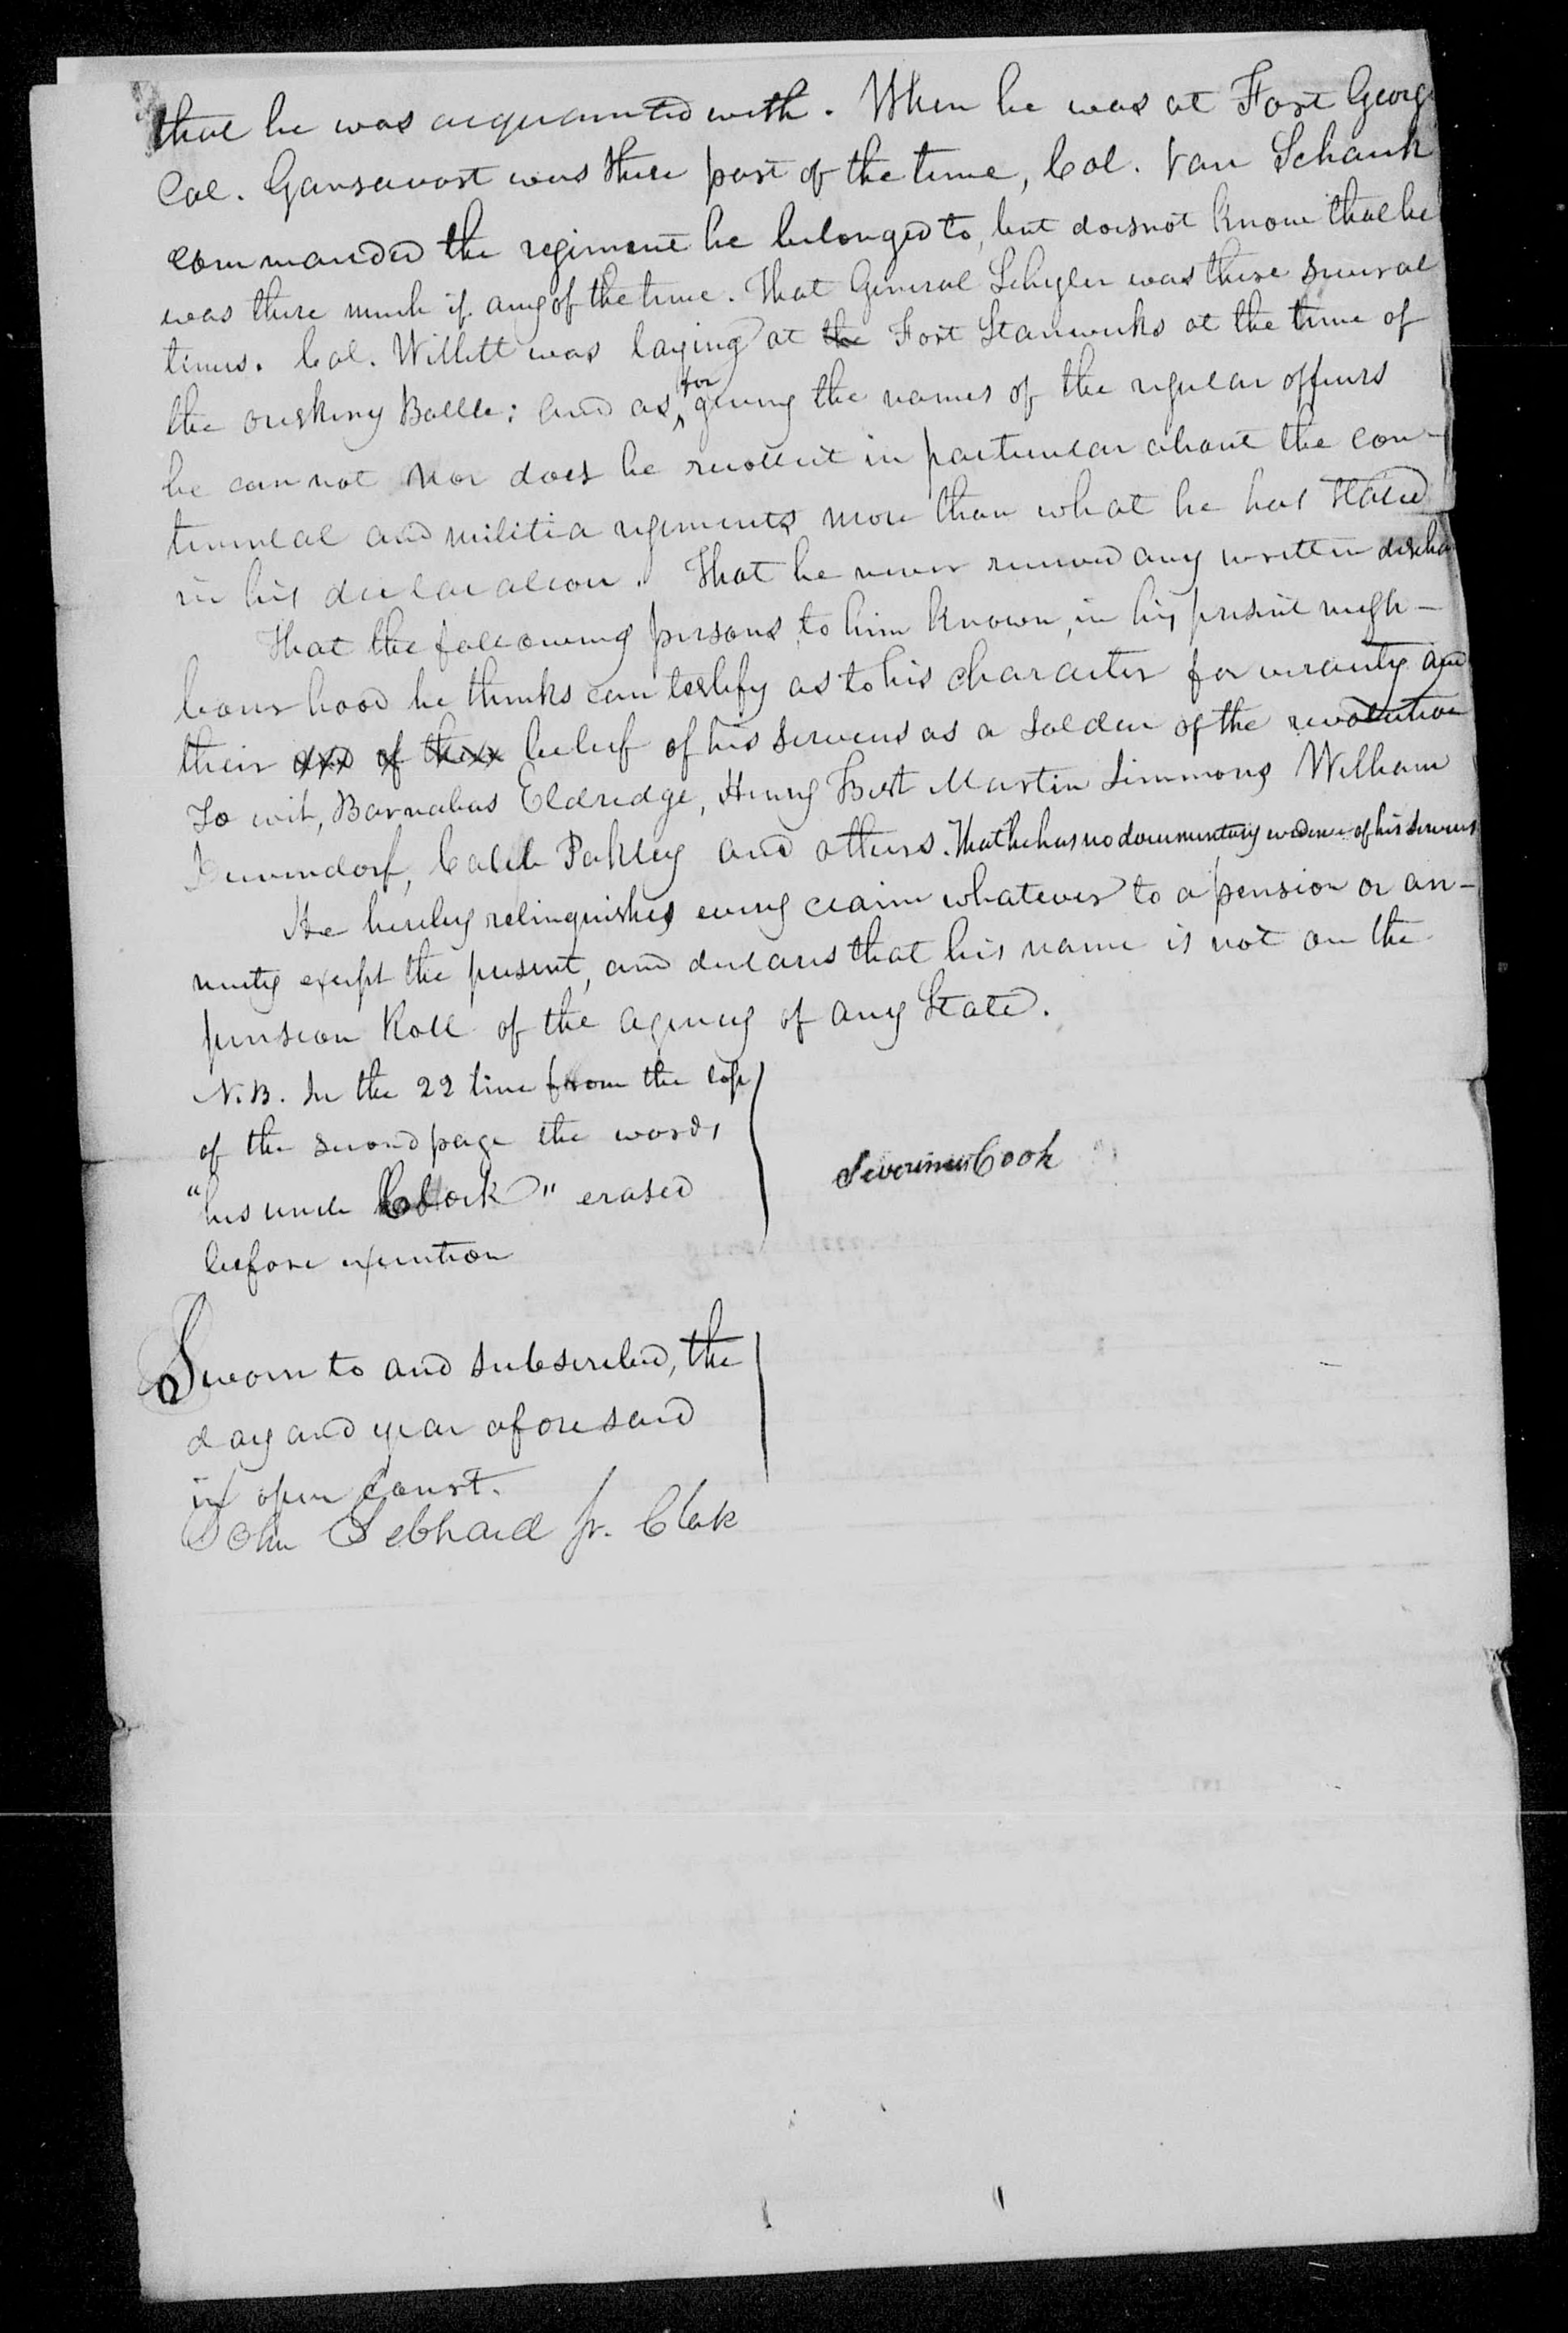that he was acquainted with. When he was at Fort George Col. Gansevoort was there part of the time, Col. Van Schaick commanded the regiment he belonged to but does not know that he was there much if any of the time. That General Schuyler was there several times. Col. Willett was laying at Fort Stanwix at the time of the Oriskany Battle: and as for giving the name of the regular officers he cannot nor does he recall it in particular what the continual and militia regiments more than what he had stated in his declaration. That he never received any written discharge.

That the following persons to him known in his present neighborhood he thinks can testify as to his character for veracity and their belief of his Services as a Soldier of the revolution. To wit, Barnabas Eldredge, Henry [illegible] Martin Simmons, William Dunindorf, Caleb Pakley and others. That he has no documentary evidence of his service.

He hereby relinquishes every claim whatever to a pension or annuity except the present, and declares that his name is not on the pension Roll of the agency of any State.

Severinus Cook

N.B. In the 22 line from the top of the second page the words "his uncle Cook" erased before execution. }

Sworn to and subscribed, the day and year aforesaid in open court.
John Gebhard Jr. Clerk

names: William Dievendorf, Van Schank, Henry Bert, Martin Jimmons, Gansvoort, George, John Gebhard, Caleb Pokley, Clark, Severinus Cook, Willitt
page: 8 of 51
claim: survivor's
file: S. 12563, Severinus Cook, New York